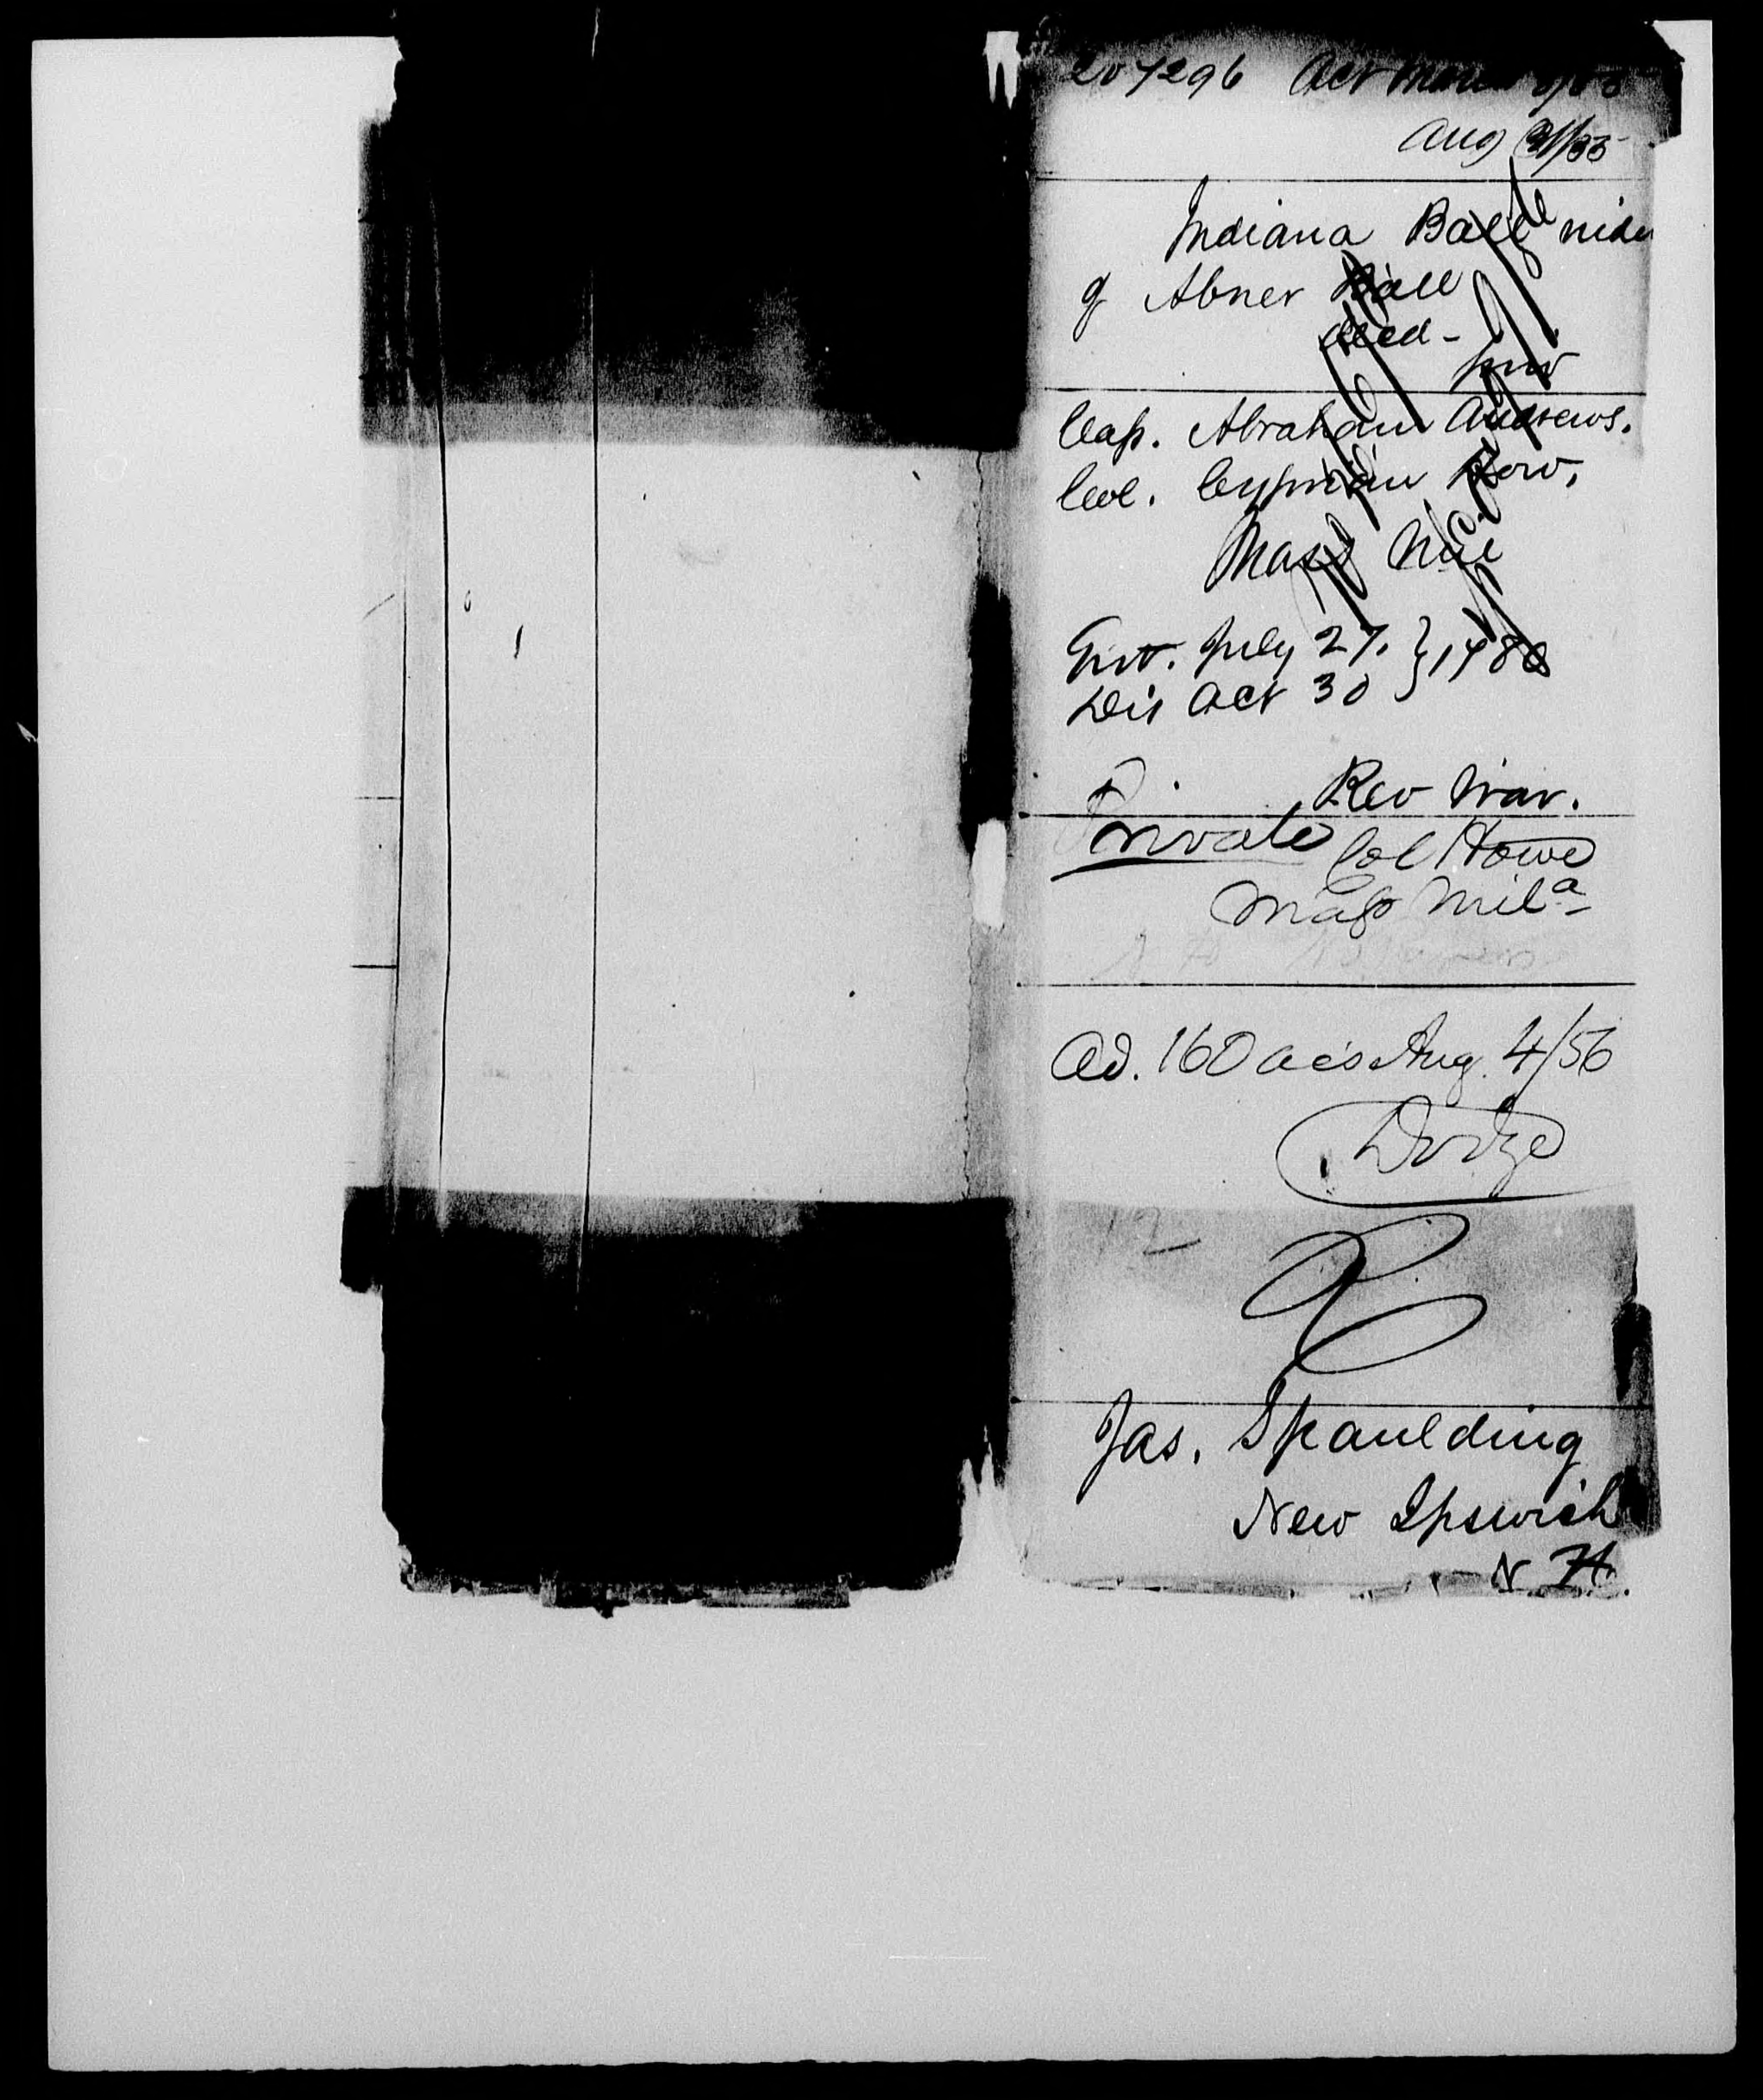o 7296 Act Mar
Aug 
Indiana Ball wide
of Abner BAll
died - 

Cap. Abraham Andrews
Col. Cyprian How
Mass
Ent. July 27 1780
Dis Oct 30 1780
Rev War
Private Col Howe
Mass Mila
Ad 160 ac's Aug 4/56

Jas. Spaulding
New Ipswich 
N.H.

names: Indiana Ball, Abraham Andrews, Abner Ball, Cyprean How, Howe, Jas Spaulding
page: 2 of 16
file: B. L. Wt, 36670-160-55, Abner Ball, Mass.